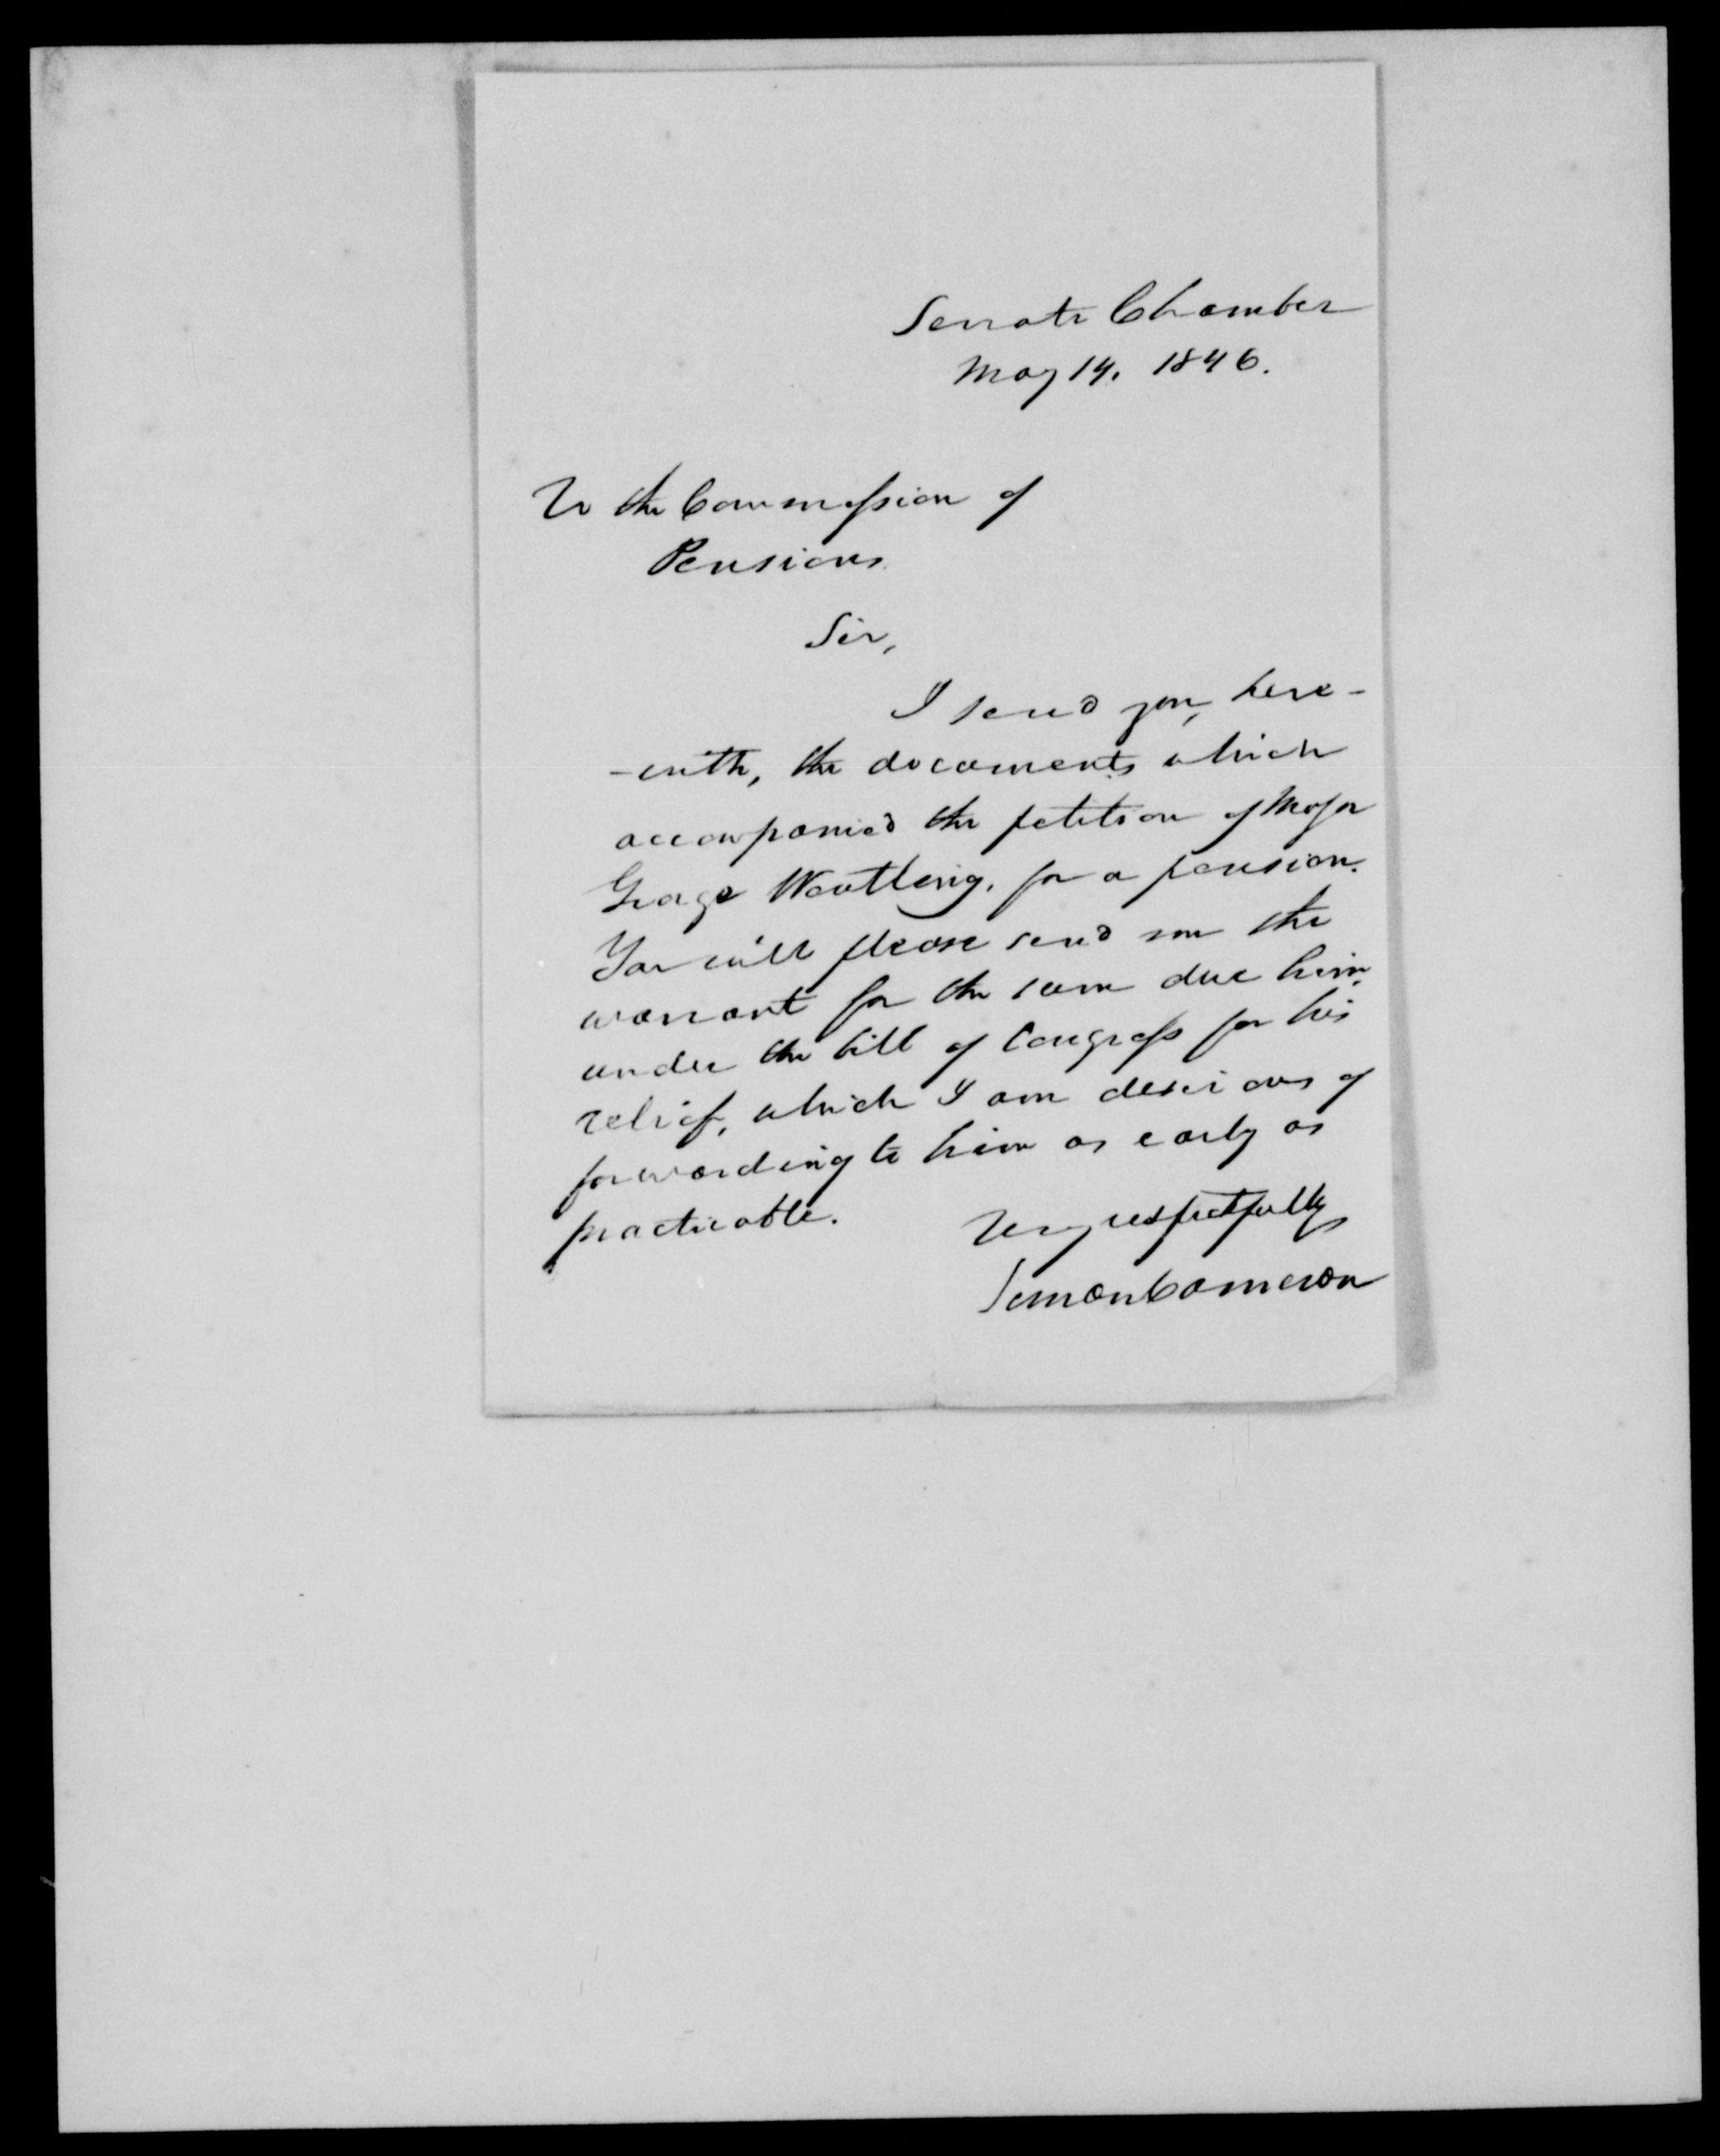Senate Chambers
May 14, 1846.

To the Commission of Pensions.

Sir,

I send you herewith, the documents which accompanied the petition of Major George Wentling, for a pension.  You will please send me the warrant for the sum due him under the bill of Congress for his relief, which I am desirous of forwarding to him or early as practicable.
Very respectfully
Simon Cameron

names: Semon Cameron, George Wentling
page: 21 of 68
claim: survivor's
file: S. 6,358, George Wentling, Penn.